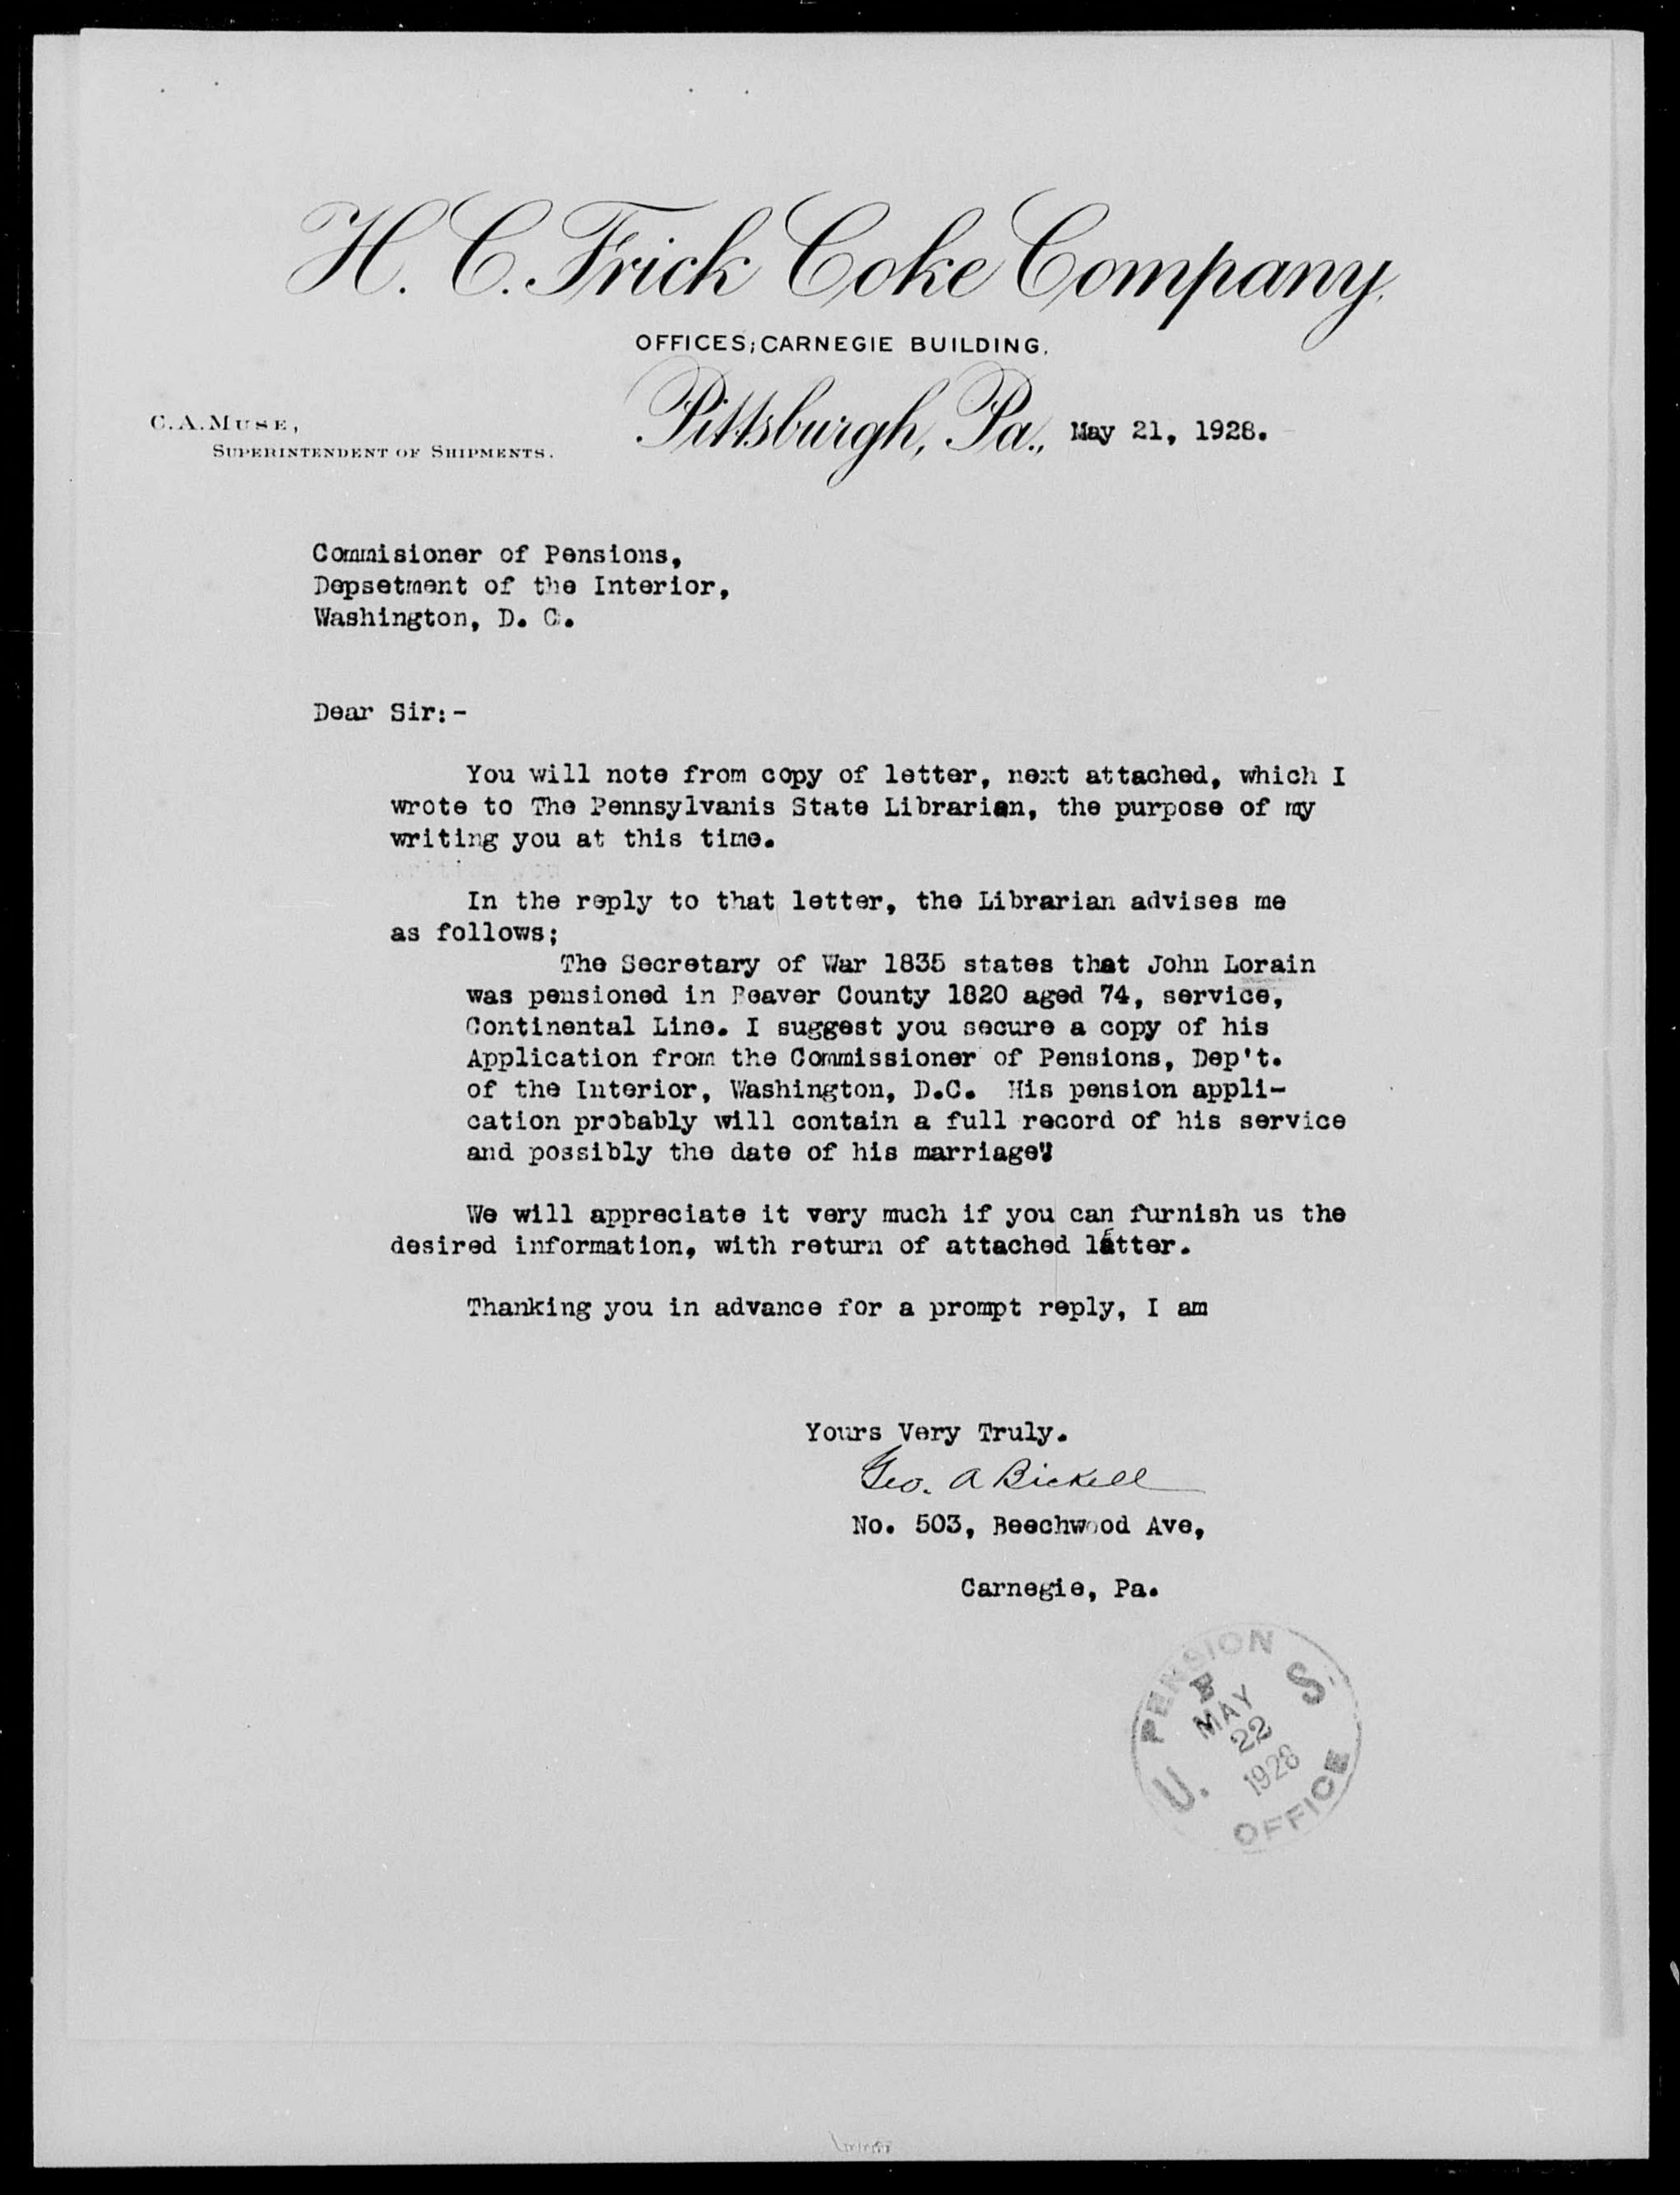H. C. Frick Coke Company
                 OFFICES; CARNEGIE BUILDING.
                               Pittsburgh, Pa., 

C. A. Muse,                                    May 28, 1928.
Superintendent of Shipments

Commisioner (Commissioner) of Pensions,
Depsetment (Department) of the Interior,
Washington, D. C. 

Dear Sir:-

     You will note from copy of letter, next attached, which I wrote to The Pennsylvania State Librarian, the purpose of my writing you at this time.

     In the reply to that letter, the Librarian advises me as follows:
          The Secretary of War 1835 states that John 
     Lorain was pensioned in Beaver County 1820 
     aged 74, service, Continental Line.  I suggest 
     you secure a copy of his Application from 
  the 
     Commissioner of Pensions, Dep't. of the 
     Interior, Washington, D. C.  His pension 
     application probably will contain a full 
      record of his service and possibly the date 
      of his marriage.

     We will appreciate it very much if you can furnish us the desired information, with return of attached letter.

     Thanking you in advance for a prompt reply, I am

                           Yours Very Truly.
                             Geo. A Bickell (signature)
                                No. 503, Beechwood Ave.
                                  Garnegie, Pa.

  (stamped received)

      Pension
U.      May      S.
           22
         1928
       Office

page: 19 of 21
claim: survivor's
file: S. 40,098, for John Lorain, Pennsylvania